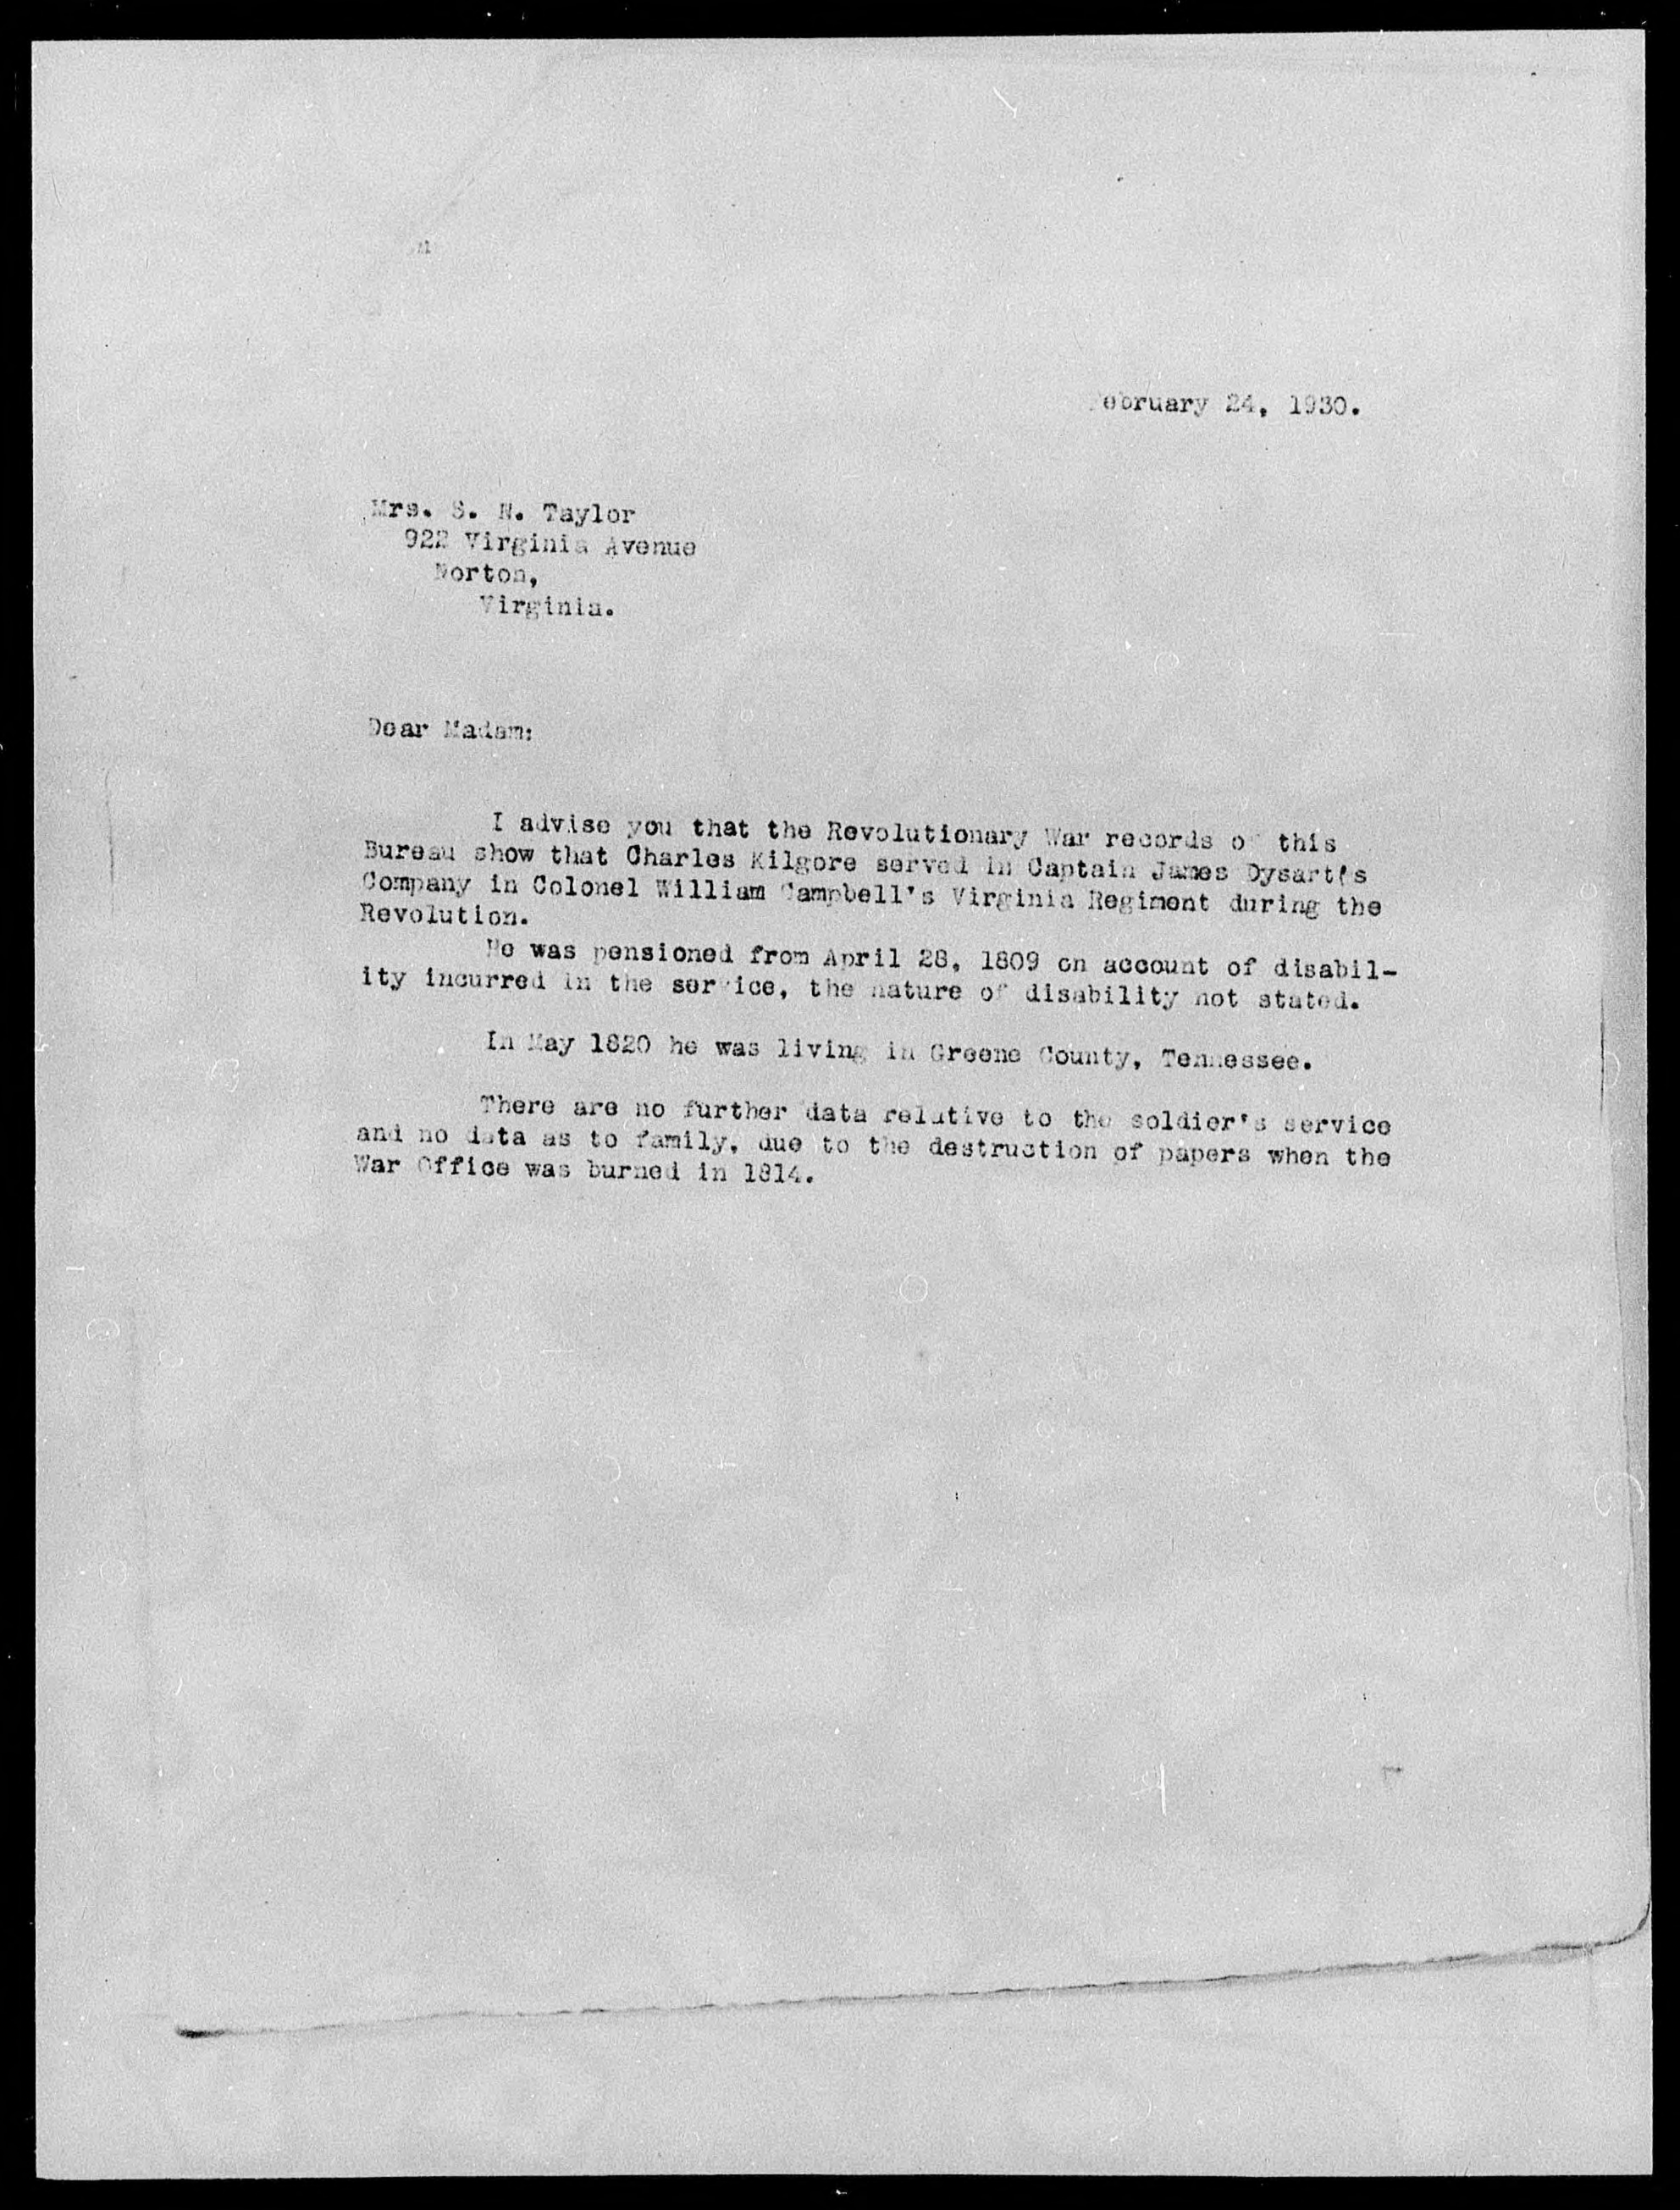February 24, 1930.

Mrs. S. N. Taylor
922 Virginia Avenue
Norton,
Virginia.

Dear Madam:
I advise you that the Revolutionary War records of this Bureau show that Charles Kilgore served in Captain James Dysart's Company in Colonel William Campbell's Virginia Regiment during the Revolution.
He was pensioned from April 28, 1809 on account of disability incurred in the service, the nature of disability not stated.
In May 1820 he was living in Greene County, Tennessee.
There are no further data relative to the soldier's service and no data as to family, due to the destruction of papers when the War Office was burned in 1814.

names: S H Taylor; Charles Kilgore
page: 28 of 115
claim: survivor's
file: S. 699, for Charles Kilgore, Virginia